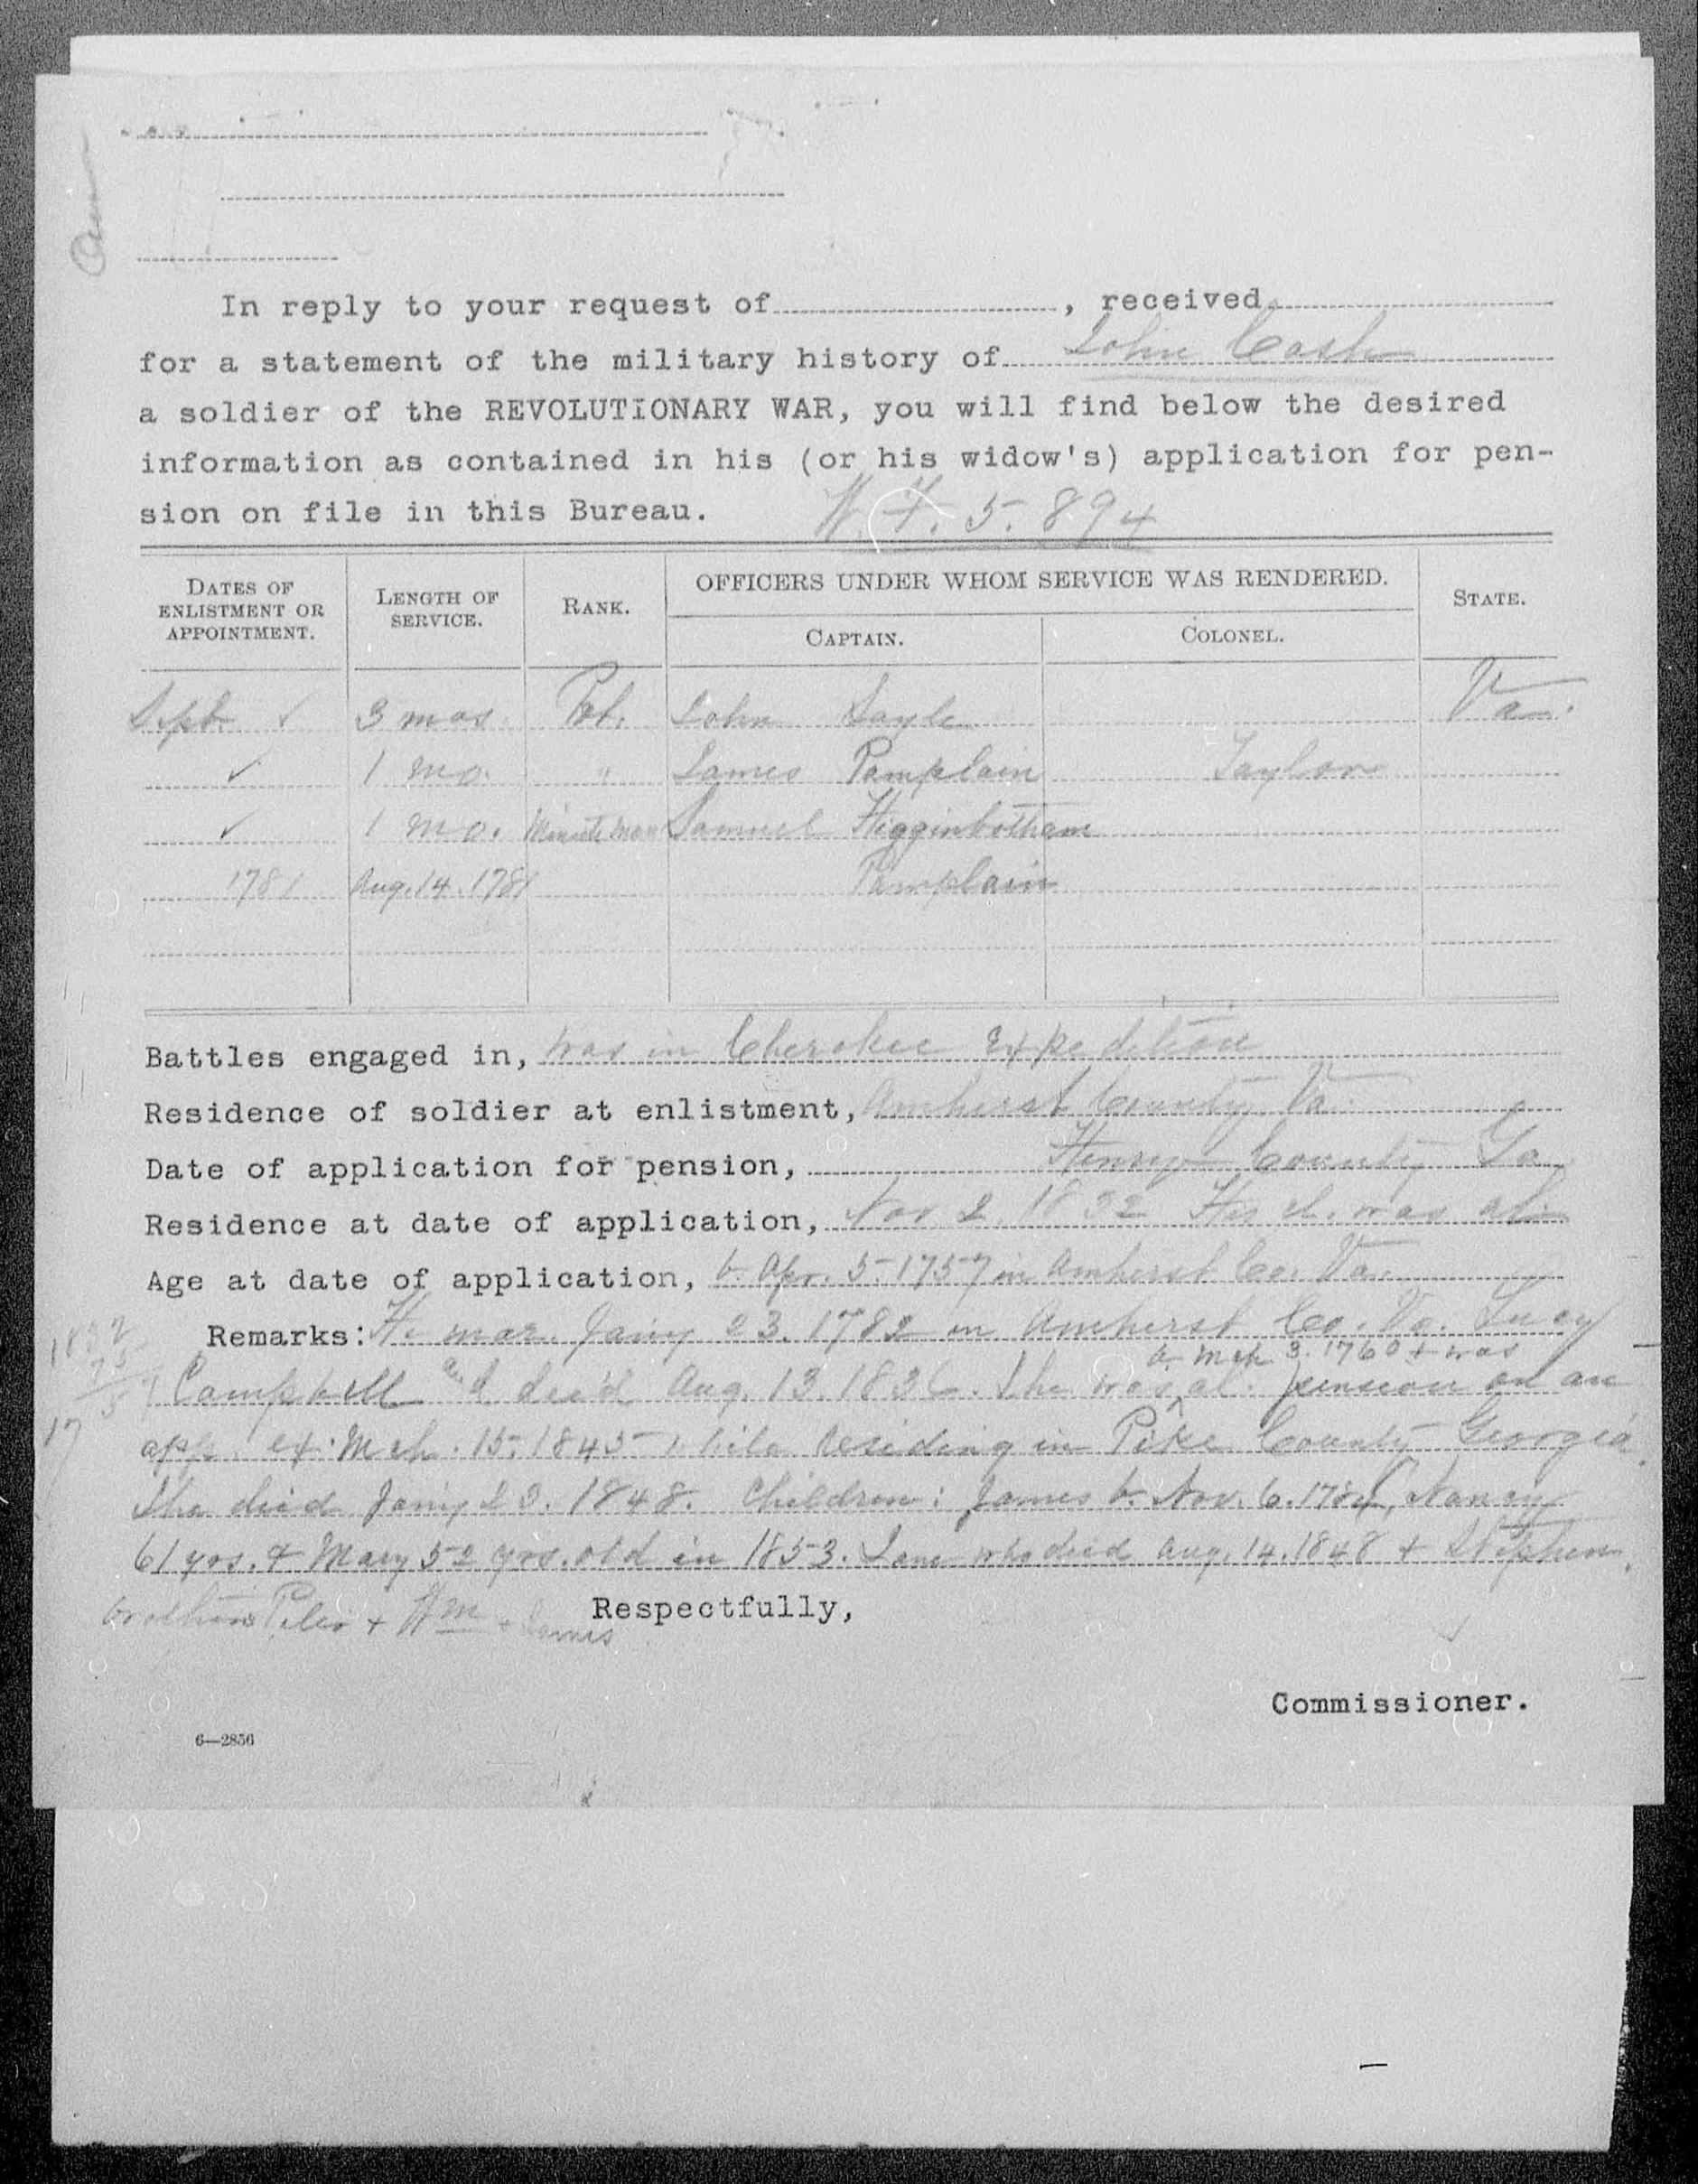In reply to your request of ____received___
for a statement of the military history of John Cash a soldier of the  REVOLUTIONARY WAR, you will find below the information as contained in his (or his widow's) application for pension
on file in this Bureau.
W F.5.894

DATES OF ENLISTMENT OR
APPOINTMENT.
LENGTH OF
SERVICE.
RANK.
OFFICERS UNDER WHOM SERVICE WAS RENDERED.
STATE.
1) Sept 3 months Private  Captain J Sayle VA
2) Sept  1 mo.  Private Capt. James Pamplain  Col. Taylor
3) Sept. 1 mo.  Minuteman Capt. Samuel Higginbotham
4) 1781 August 14  Minuteman  Capt. James Pamplain

Battles engaged in Cherokee Expedition
Residence of soldier at enlistment, Amherst County VA
Date of application for pension,
Henry County Georgia
Residence at date of application,Nov 2 1852 For he was _____
Age at date of application, b. 1757 in Amherst Co., VA
Remarks: He married Jan. 3. 1785 in Amherst Co. to Lucy Campbell born 
Mch 3, 1760 and he died   Aug. 13 1836. He _____pension at ______
 Mch. 15, 1845 - while residing in Pike County Georgia
Lucy died Jany.22. 1848. Children: James V. Nov. 6. 1784, Nancy
61 yrs. & Mary 52 yrs old in 1853. Lane who died Aug 24. 1847 & Steph
brother Peter & Wm James
Respectfully,

Commissioner.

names: James, Wm, Peter, Pamplain, James, Jane, John Cash, Taylor, Stephen, Mary, Samuel Higginbotham, Lucy Campbell, John Sayle, James Pamplain, Nancy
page: 20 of 73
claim: widow's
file: W. 5,894, John Cash, Va.